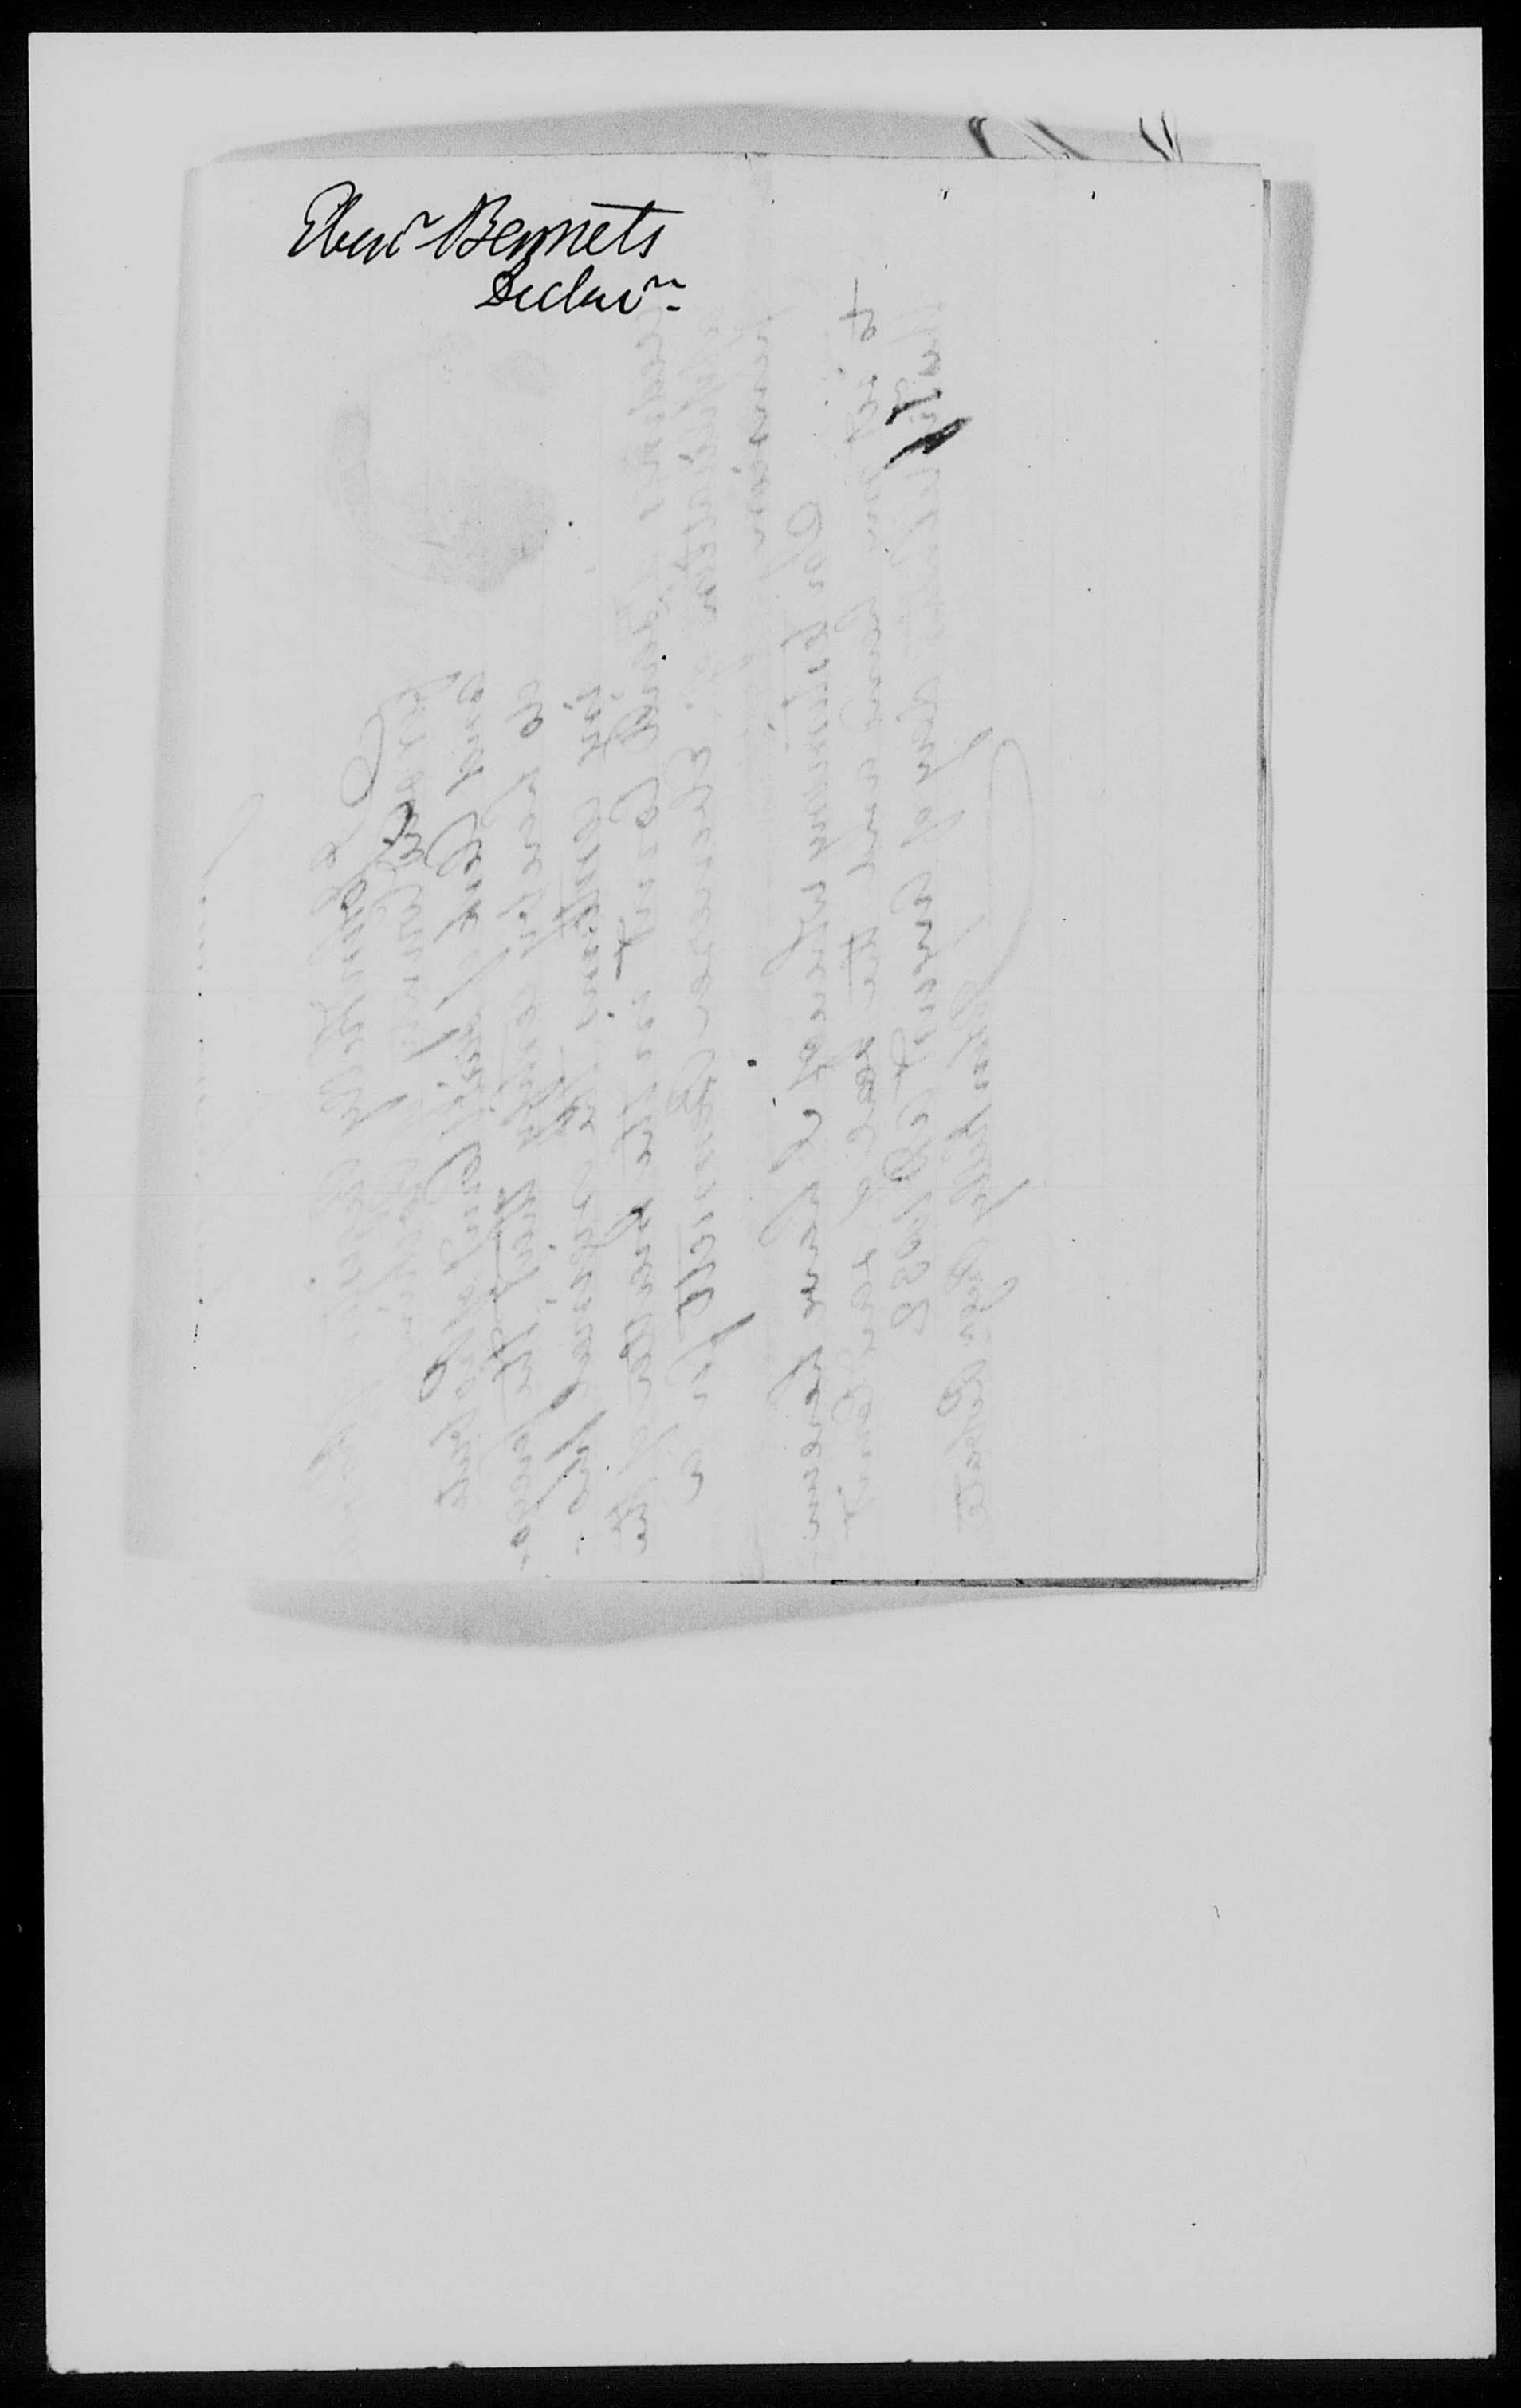Handwritten signature: Ebenezer Bennets Seclar?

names: Ebenr Bennet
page: 3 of 43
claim: widow's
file: W. 21665, Ebenezer Bennett, N. H. Privateer.